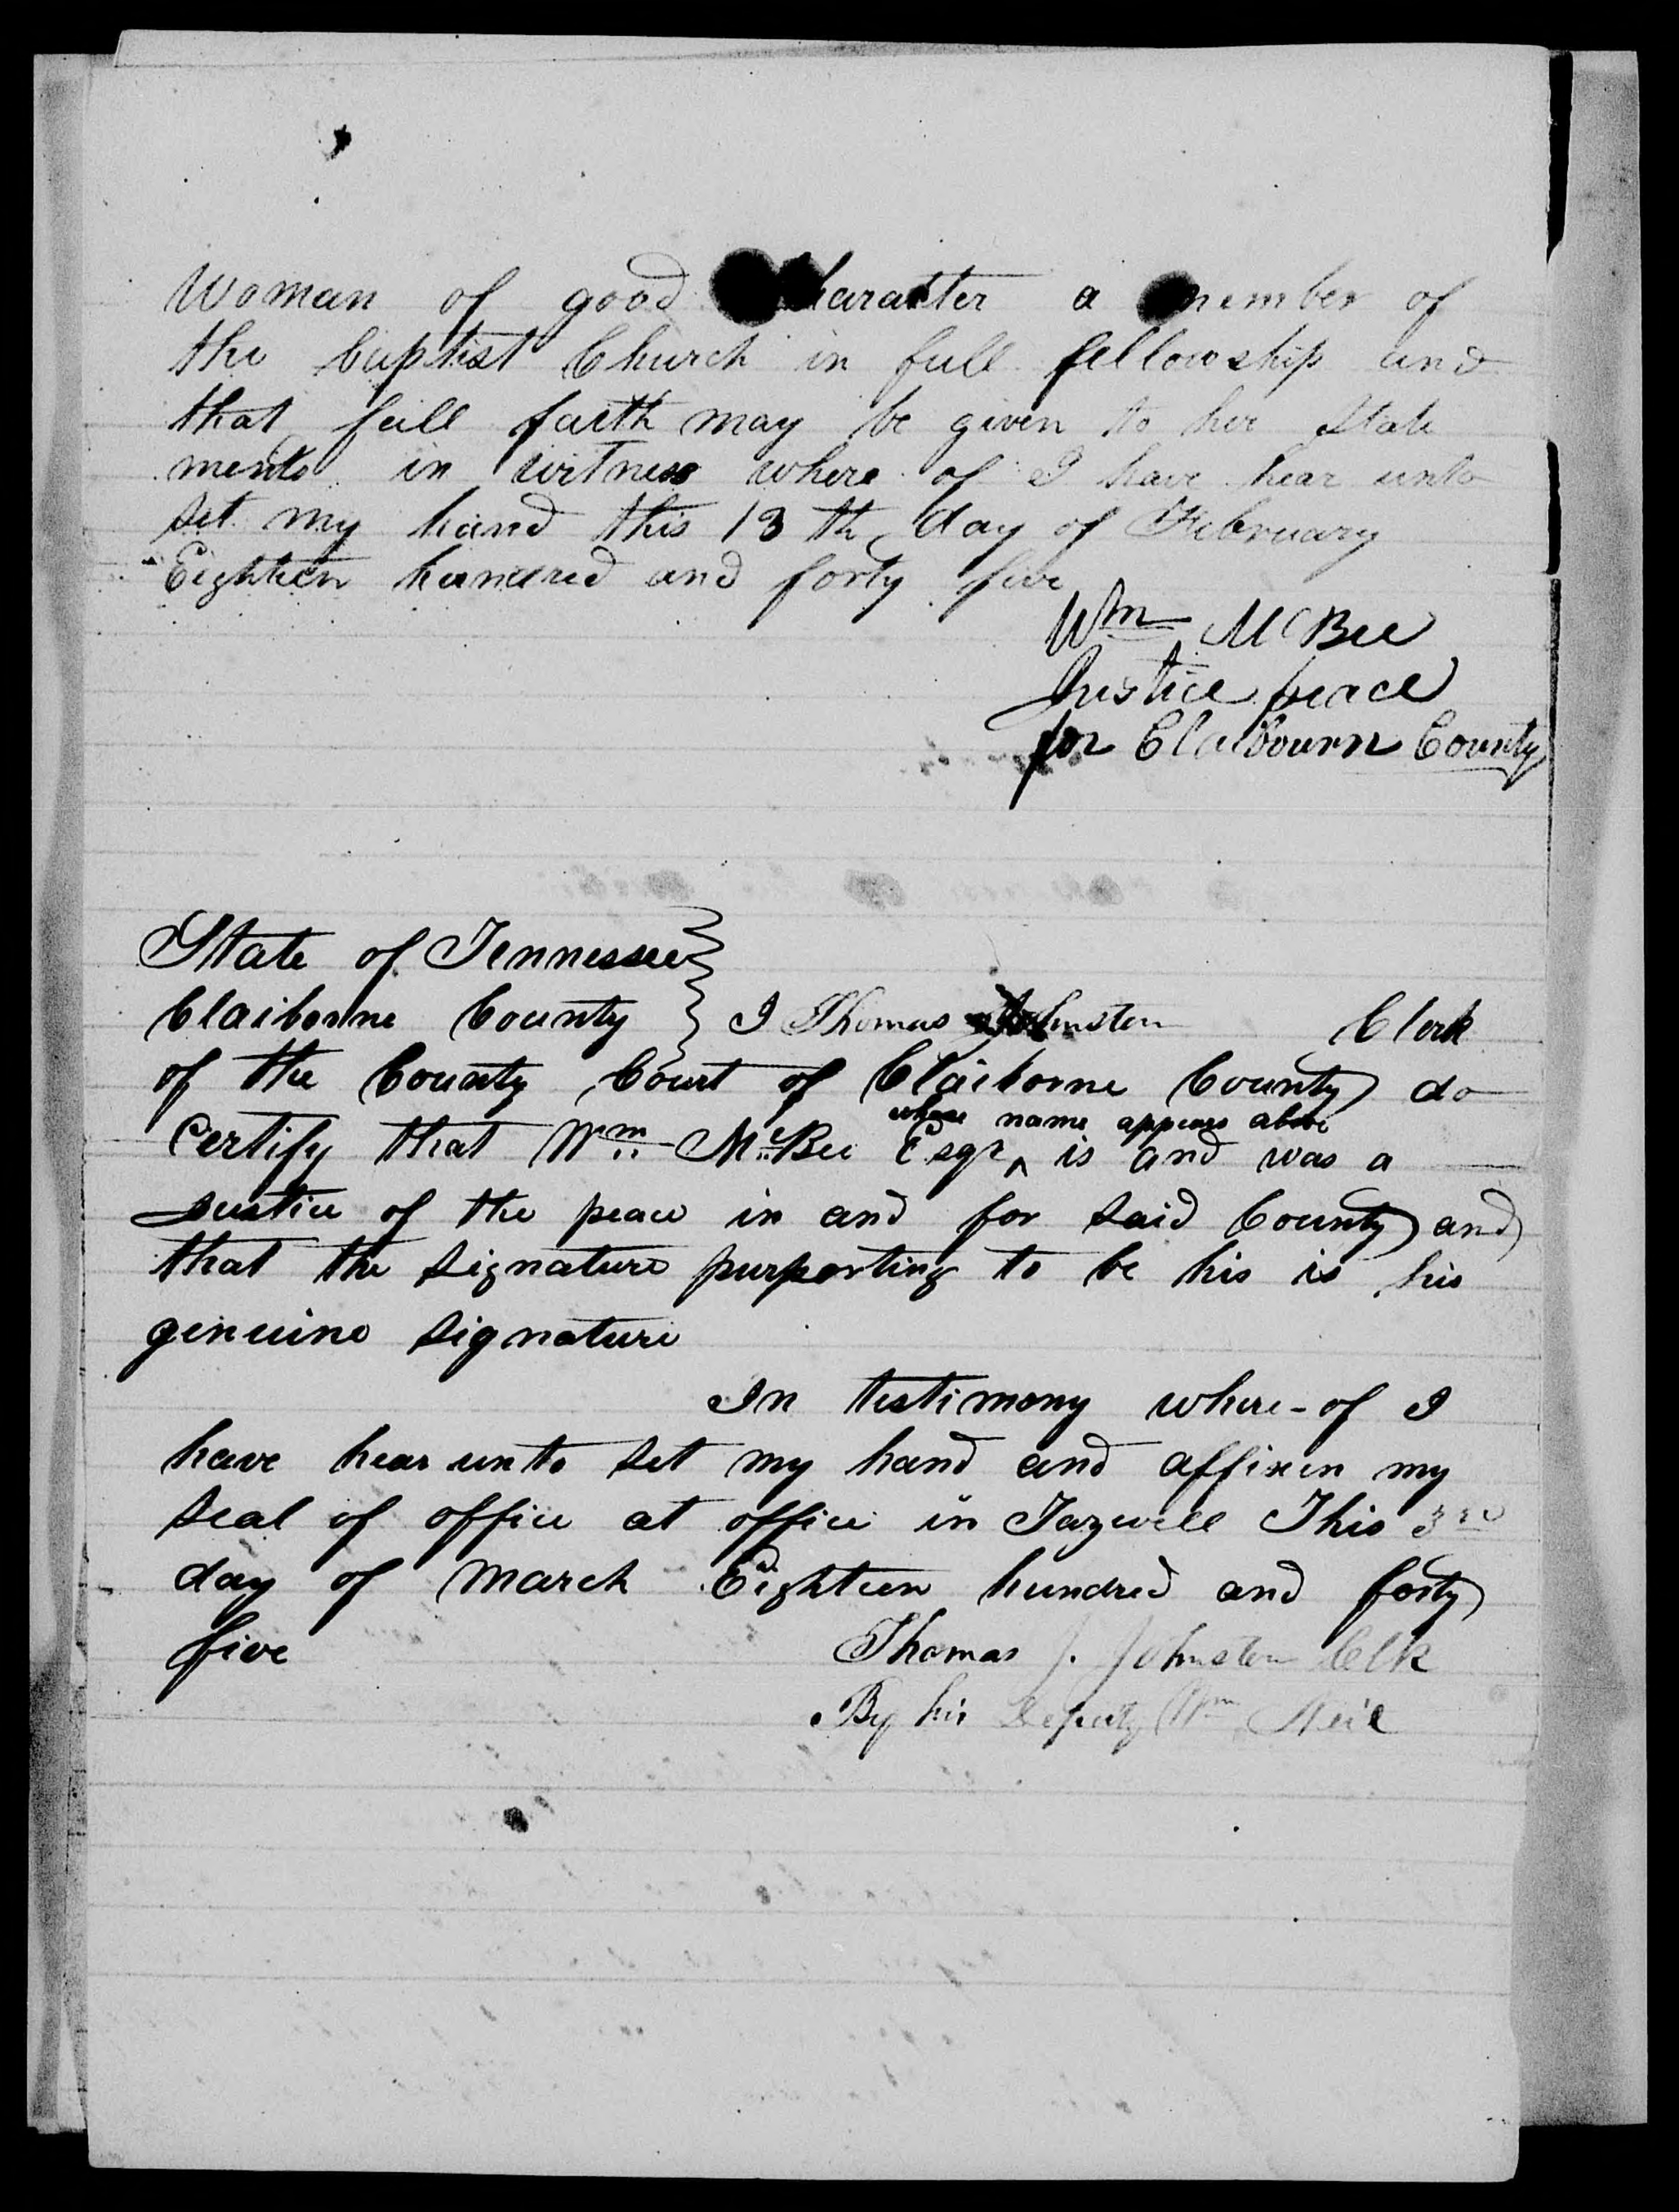woman of good character a member of
the baptist Church in full fellowship and
that full faith may be given to her State
ments in witness where of I have hear [here] unto
set my hand this 13th day of February
Eighteen hundred and forty five
Wm McBee
Justice Peace
for Clabourn County

State of Tennessee )
Claiborne County   )
I Thomas Johnston Clerk
of the County Court of Claiborne County do
certify that Wm McBee Esq whose name appears above is and was a
Justice of the peace in and for said County and
that the signature purporting to be his is his
genuine signature
In testimony whereof I
have hear [here] unto set my hand and affixed my
Seal of office at office in Tazwell This 3rd
day of March Eighteen hundred and forty
five
Thomas J. Johnston Clk
By his Deputy Wm Neil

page: 72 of 120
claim: widow's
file: W. 1044, for Salathiel Martin, North Carolina